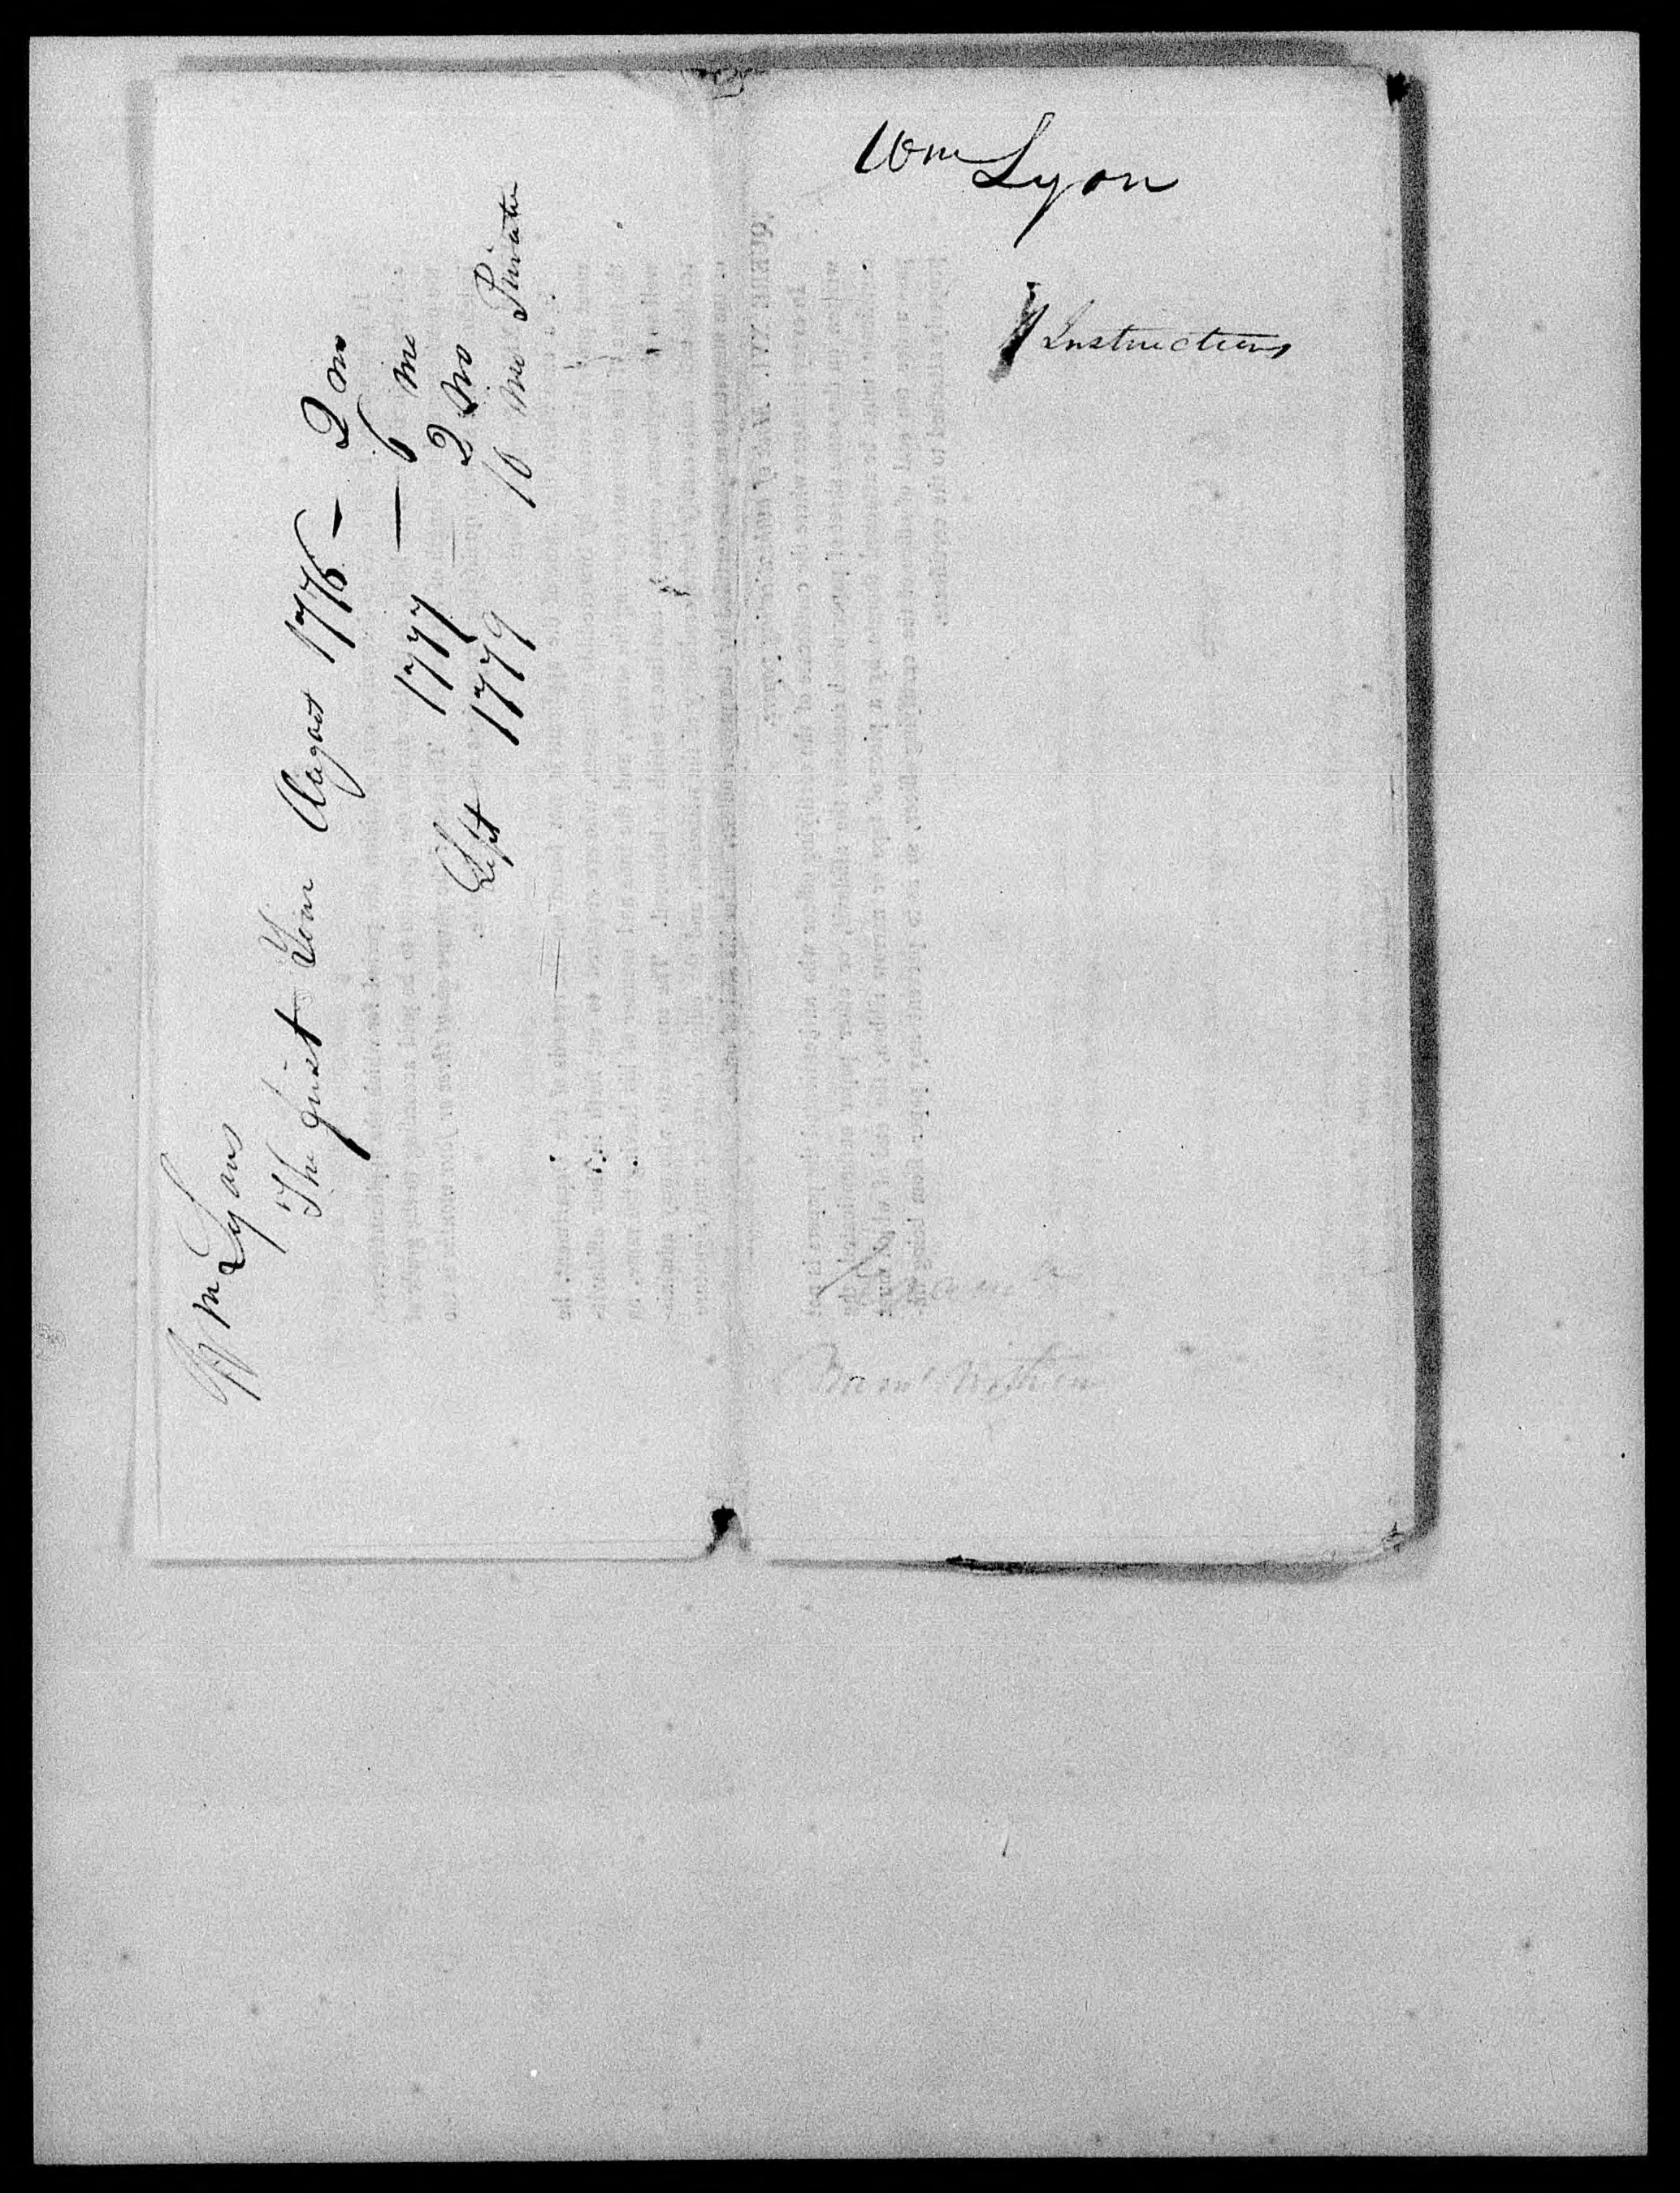Wm Lyons
The first year August 1776 2 mos
                             1777 6 mos
                     Sept 1779 10 mos  Private

Wm Lyon
Instructions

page: 30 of 41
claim: survivor's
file: S. 4585, for William Lyons, Pennsylvania